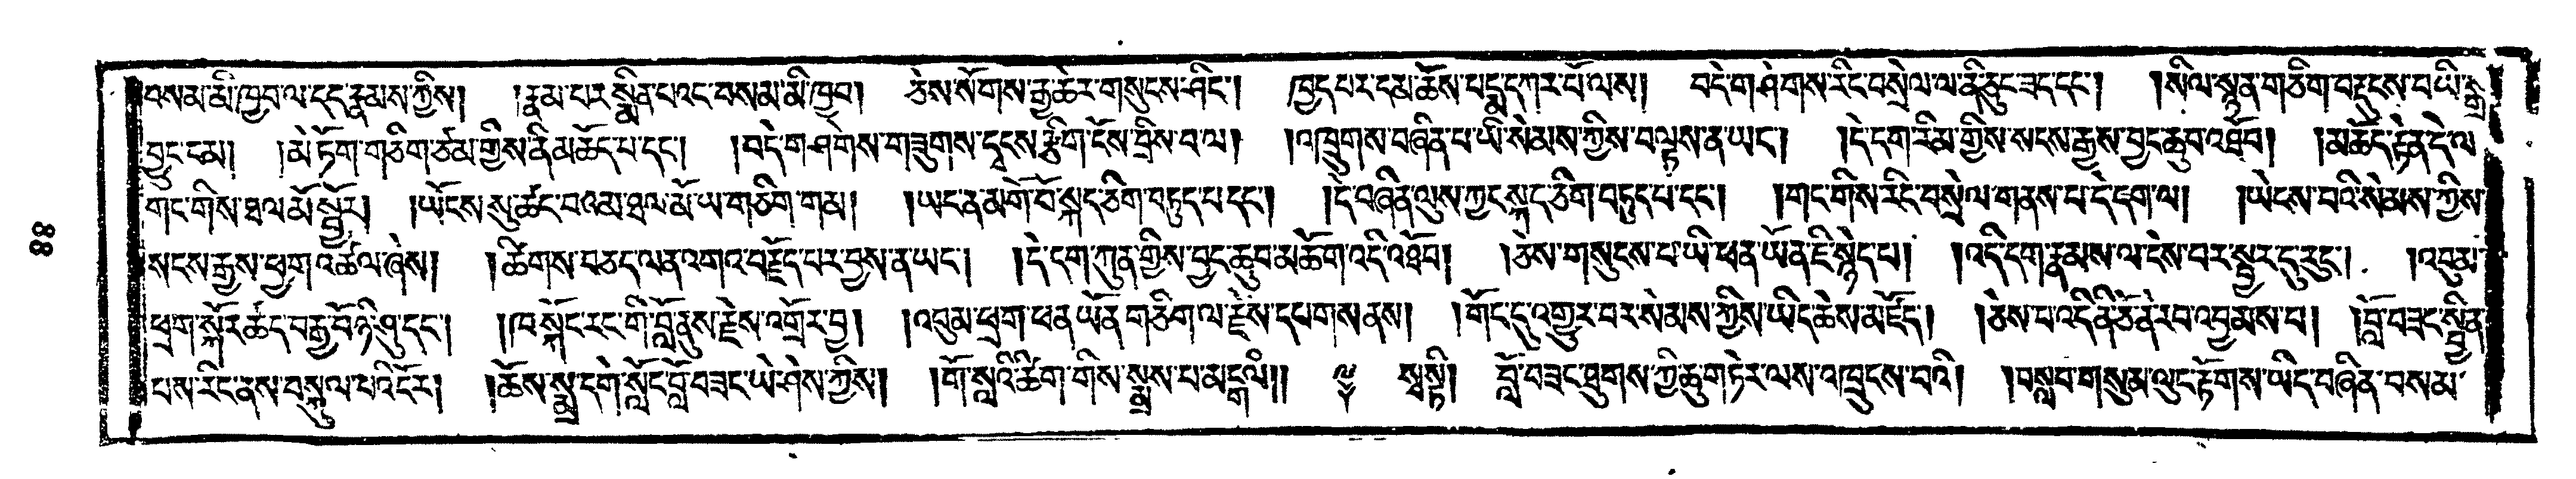བསམ་མི་ཁྱབ་ལ་དད་རྣམས་ཀྱིས། །རྣམ་པར་སྨིན་པའང་བསམ་མི་ཁྱབ། ཅེས་སོགས་རྒྱ་ཆེར་གསུངས་ཤིང་། ཁྱད་པར་དམ་ཆོས་པདམ་དཀར་པོ་ལས། བདེ་གཤེགས་རིང་བསྲེལ་ལ་ནི་ཅུང་ཟད་དང་། །སིལ་སྙན་གཅིག་བརྡུངས་པ་ཡི་སྒྲ་
བྱུང་ངམ། །མེ་ཏོག་གཅིག་ཙམ་གྱིས་ནི་མཆོད་པ་དང་། །བདེ་གཤེགས་གཟུགས་དྭངས་རྩིག་ངོས་བྲིས་བ་ལ། །འཁྲུགས་བཞིན་པ་ཡི་སེམས་ཀྱིས་བལྟས་ན་ཡང་། །དེ་དག་རིམ་གྱིས་སངས་རྒྱས་བྱང་ཆུབ་འཐོབ། །མཆོད་རྟེན་དེ་ལ་
གང་གིས་ཐལ་མོ་སྦྱོར། །ཡོངས་སུ་ཚང་བའམ་ཐལ་མོ་ཡ་གཅིག་གམ། །ཡང་ན་མགོ་བོ་སྐད་ཅིག་བཏུད་པ་དང་། །དེ་བཞིན་ལུས་ཀྱང་སྐད་ཅིག་བཏུད་པ་དང་། །གང་གིས་རིང་བསྲེལ་གནས་པ་དེ་དག་ལ། །ཡེངས་པའི་སེམས་ཀྱིས་
སངས་རྒྱས་ཕྱག་འཚལ་ཞེས། །ཚིགས་བཅད་ལན་འགའ་བརྗོད་པར་བྱས་ན་ཡང་། །དེ་དག་ཀུན་གྱིས་བྱང་ཆུབ་མཆོག་འདི་འཐོབ། །ཅེས་གསུངས་པ་ཡི་ཕན་ཡོན་ཇི་སྙེད་པ། །འདི་དག་རྣམས་ལ་ངེས་པར་སྦྱར་དུ་རུང་། །འབུམ་
ཕྲག་སྐོར་ཚད་བརྒྱ་བོ་ཉི་ཤུ་དང་། །ཁ་སྐོང་རང་གི་བློ་ནུས་རྗེས་འགྲོར་བྱ། །འབུམ་ཕྲག་ཕན་ཡོན་གཅིག་ལ་རྗེས་དཔགས་ནས། །གོང་དུ་འགྱུར་བར་སེམས་ཀྱིས་ཡིད་ཆེས་མཛོད། །ཅེས་པ་འདི་ནི་ཅོ་ནེ་རབ་འབྱམས་པ། །བློ་བཟང་སྦྱིན་
པས་རིང་ནས་བསྐུལ་བའི་ངོར། །ཆོས་སྨྲ་དགེ་སློང་བློ་བཟང་ཡེ་ཤེས་ཀྱིས། །གོ་སླའི་ཚིག་གིས་སྨྲས་པ་མངྒལཾ།། ༈ སྭསྟི། བློ་བཟང་ཐུགས་ཀྱི་ཆུ་གཏེར་ལས་འཁྲུངས་པའི། །བསླབ་གསུམ་ལུང་རྟོགས་ཡིད་བཞིན་བསམ་